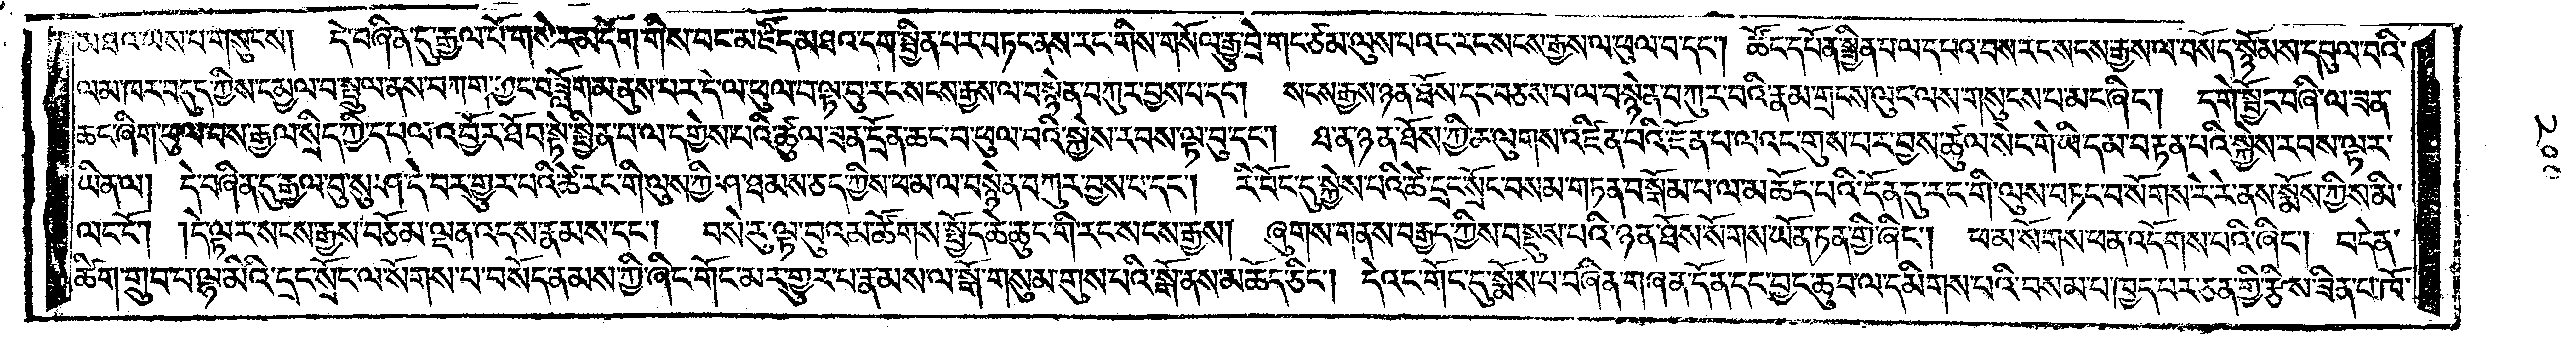མཐའ་ཡས་པ་གསུངས། དེ་བཞིན་དུ་རྒྱལ་པོ་གསེར་མདོག་གིས་བང་མཛོད་མཐའ་དག་སྦྱིན་པར་བཏང་ནས་རང་གིས་གསོལ་རྒྱུ་བྲེ་གང་ཙམ་ལུས་པའང་རང་སངས་རྒྱས་ལ་ཕུལ་བ་དང་། ཚོང་དཔོན་སྦྱིན་པ་ལ་དཔའ་བས་རང་སངས་རྒྱས་ལ་བསོད་སྙོམས་དབུལ་བའི་
ལམ་ཁར་བདུད་ཀྱིས་དམྱལ་བ་སྤྲུལ་ནས་བཀག་ཀྱང་བཟློག་མ་ནུས་པར་དེ་ལ་ཕུལ་བལྟ་བུ་རང་སངས་རྒྱས་ལ་བསྙེན་བཀུར་བྱས་བ་དང་། སངས་རྒྱས་ཉན་ཐོས་དང་བཅས་པ་ལ་བསྙེན་བཀུར་བའི་རྣམ་གྲངས་ལུང་ལས་གསུངས་པ་མང་ཞིང་། དགེ་སྦྱོང་བཞི་ལ་ཟན་
ཆང་ཞིག་ཕུལ་བས་རྒྱལ་སྲིད་ཀྱི་དཔལ་འབྱོར་ཐོབ་སྟེ་སྦྱིན་པ་ལ་དགྱེས་པའི་ཚུལ་ཟན་དྲོན་ཆང་བ་ཕུལ་བའི་སྐྱེས་རབས་ལྟ་བུ་དང་། ཐ་ན་ཉན་ཐོས་ཀྱི་ཆ་ལུགས་འཛིན་པའི་རྔོན་པ་ལའང་གུས་པར་བྱས་ཚུལ་སེང་གེ་ཡི་དམ་བརྟན་པའི་སྐྱེས་རབས་ལྟར་
ཡིན་ལ། དེ་བཞིན་དུ་རྒྱལ་བུ་སུ་ཤ་དེ་བར་གྱུར་བའི་ཚེ་རང་གི་ལུས་ཀྱི་ཤ་ཐམས་ཅད་ཀྱིས་ཕམ་ལ་བསྙེན་བཀུར་བྱས་བ་དང་། རི་བོང་དུ་སྐྱེས་པའི་ཚེ་དྲང་སྲོང་བསམ་གཏན་བསྒོམ་པ་ལ་མཆོད་པའི་དོན་དུ་རང་གི་ལུས་བཏང་བ་སོགས་རེ་རེ་ནས་སྨོས་ཀྱིས་མི་
ལང་ངོ། །དེ་ལྟར་སངས་རྒྱས་བཅོམ་ལྡན་འདས་རྣམས་དང་། བསེ་རུ་ལྟ་བུའམ་ཚོགས་སྤྱོད་ཆེ་ཆུང་གི་རང་སངས་རྒྱས། ཞུགས་གནས་བརྒྱད་ཀྱིས་བསྡུས་པའི་ཉན་ཐོས་སོགས་ཡོན་ཏན་གྱི་ཞིང་། ཕ་མ་སོགས་ཕན་འདོགས་བའི་ཞིང་། བདེན་
ཚིག་གྲུབ་བ་ལྷ་མིའི་དྲང་སྲོང་ལ་སོགས་བ་བསོད་ནམས་ཀྱི་ཞིང་གོང་མར་གྱུར་པ་རྣམས་ལ་སྒོ་གསུམ་གུས་པའི་སྒོ་ནས་མཆོག་ཅིང་། དེའང་གོང་དུ་སྨོས་པ་བཞིན་གཞན་དོན་དང་བྱང་ཆུབ་ལ་དམིགས་པའི་བསམ་པ་ཁྱད་པར་ཅན་གྱི་རྩིས་ཟིན་པ་ཁོ་